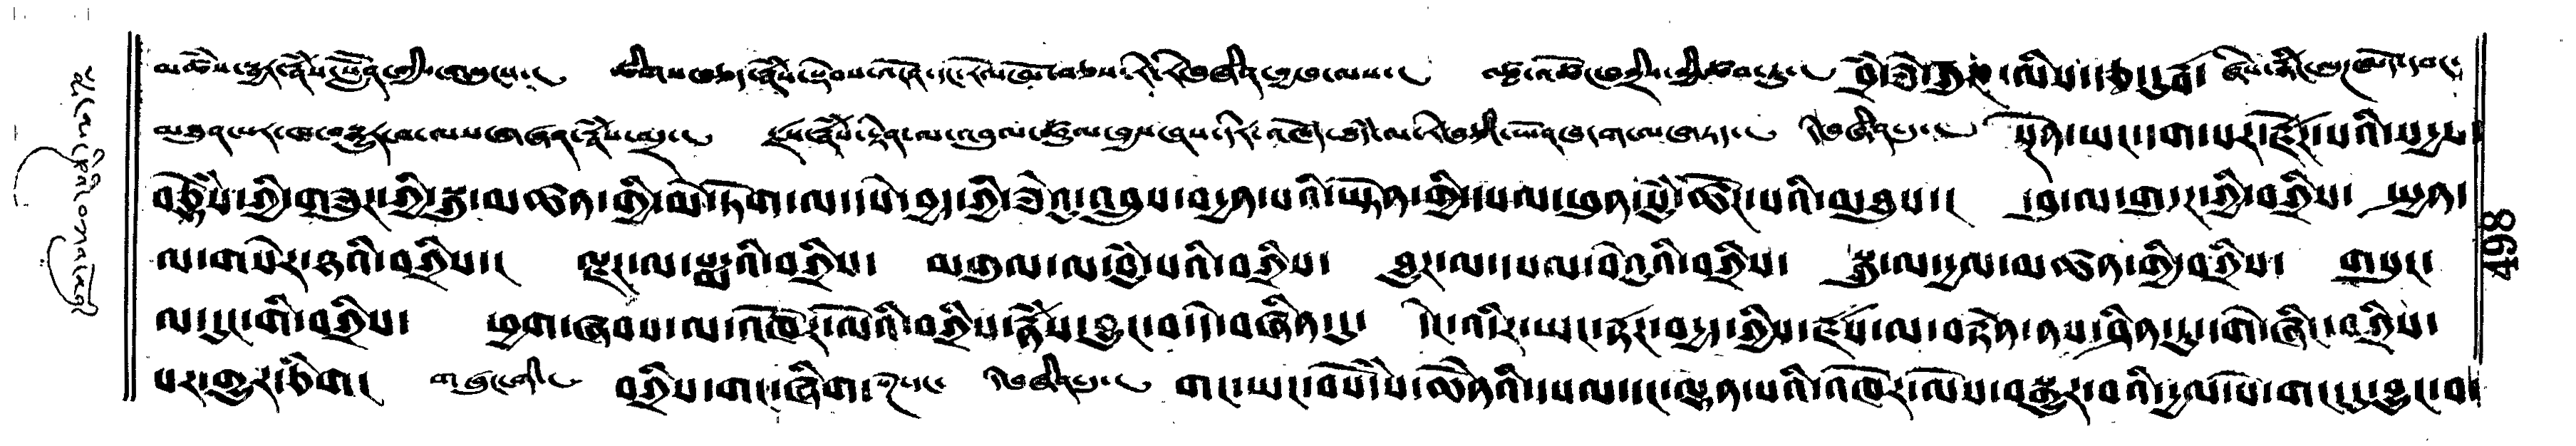མཚམས་སྦྱར་རྣམས་སློབ་དཔོན་གྱིས་གསུངས། ཚིགས་བཅད་རྣམས་སྡེབས་འདོན་དང་རོལ་མོ་བཅས་རེ་རེ་བཞིན་བྱ་བ་ལས། རྩ་འཚོང་བཀྲ་ཤིས་ཀྱི་ཚབ་ཏུ། བྲམ་ཟེ་ཀུཎྜ་ལིས་རྩ་དུརྦ་ཞེས་རྙིང་ལུགས་མདོ་དབང་
མཐུན་པར་ཁ་བསྒྱུར་བ་ལས་གཞན་རྣམས་འདྲ། རྫས་རྣམས་རྟེན་ལ་འབུལ་ཚུལ་བྱས་ནས་དེར་འཁོད་ཐམས་ཅད་ལ་རེག་བཅིང་ཡོན་བདག་ལ་གཏད། དེ་བཞིན་དུ། སྔོན་ཡང་དག་པར་རྫོགས་པའི་སངས་རྒྱས་
བཅོམ་ལྡན་འདས་ཀྱི་གཟུགས་ཀྱི་སྐུ་མཚན་གྱི་མེ་ཏོག་ལ་དཔེ་བྱད་ཀྱི་ཟེའུ་འབྲུས་བརྒྱན་པའི་ཡོན་ཏན་གྱི་དཔལ་ཕུན་སུམ་ཚོགས་པའི་མཐུས། དབུ་ལ་གདུགས་ཀྱི་བཀྲ་ཤིས། སྤྱན་
ལ་གསེར་ཉའི་བཀྲ་ཤིས། ལྗགས་ལ་པདྨའི་བཀྲ་ཤིས། མགུལ་ལ་བུམ་པའི་བཀྲ་ཤིས། ཐུགས་ལ་དཔལ་བེའུའི་བཀྲ་ཤིས། སྐུ་ལ་རྒྱལ་མཚན་གྱི་བཀྲ་ཤིས། གསུང་
ལ་དུང་གི་བཀྲ་ཤིས། ཕྱག་ཞབས་ལ་འཁོར་ལོའི་བཀྲ་ཤིས་རྣམས་བྱུང་བ་དེ་བཞིན་དུ། དེང་འདིར་ཡང་རྟགས་བརྒྱད་ཀྱིས་རྫས་ལ་བརྟེན་ནས་ཤིན་ཏུ་དགེ་ཞིང་བཀྲ་ཤིས་
པར་གྱུར་ཅིག གཞུང་གི བཀྲ་ཤིས་གང་ཞིག་ས ོགས་དང་།དེ་བཞིན་དུ། གང་ཡང་བསོད་ནམས་ཆེན་པོའི་དཔལ་དང་ལྡན་པའི་འཁོར་ལོས་བསྒྱུར་བའི་རྒྱལ་པོ་གང་དུ་བྱུང་བ་